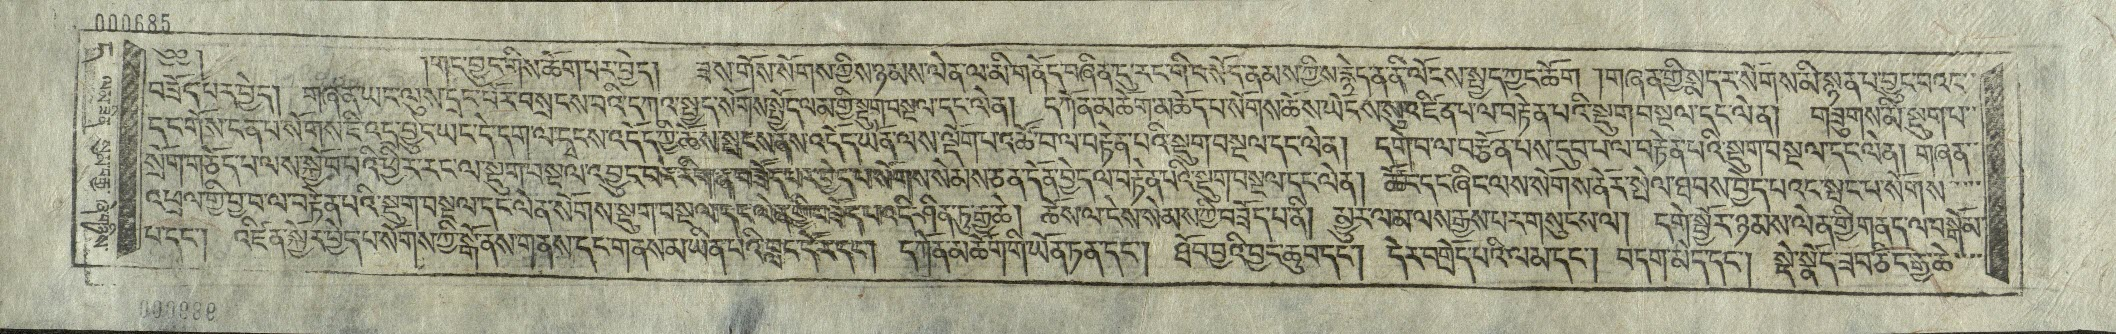༄༅། །གང་བྱུང་གིས་ཆོག་པར་བྱེད། ཟས་གོས་སོགས་ཀྱིས་ཉམས་ལེན་ལ་མི་གནོད་བཞིན་དུ་རང་གི་བསོད་ནམས་ཀྱིས་རྙེད་ན་ནི་ལོངས་སྤྱད་ཀྱང་ཆོག །གཞན་གྱི་སྨད་ར་སོགས་མི་སྙན་པ་བྱུང་བའང་
བཟོད་པར་བྱེད། གཞན་ཡང་ལུས་དྲང་པོར་བསྲངས་བའི་དཀའ་སྤྱད་སོགས་སྤྱོད་ལམ་གྱི་སྡུག་བསྔལ་དང་ལེན། དཀོན་མཆོག་མཆོད་པ་སོགས་ཆོས་ཡོངས་སུ་འཛིན་པ་ལ་བརྟེན་པའི་སྡུག་བསྔལ་དང་ལེན། གཟུགས་མི་སྡུག་པ་
དང་གོས་ངན་པ་སོགས་ཇི་འདྲ་བྱུང་ཡང་དེ་དག་ལ་དྭངས་འདོད་ཀྱི་ཆོས་སྤངས་ནས་འདོད་ཡོན་ལས་ལྡོག་པ་འཚོ་བ་ལ་བརྟེན་པའི་སྡུག་བསྔལ་དང་ལེན། དགེ་བ་ལ་བརྩོན་པས་དུབ་པ་ལ་བརྟེན་པའི་སྡུག་བསྔལ་དང་ལེན། གཞན་
སྲོག་གཅོད་པ་ལས་སྐྱོབ་པའི་ཕྱིར་རང་ལ་སྡུག་བསྔལ་འབྱུང་བར་རིག་ན་བཟོད་པར་བྱེད་པ་སོགས་སེམས་ཅན་དོན་བྱེད་ལ་བརྟེན་པའི་སྡུག་བསྔལ་དང་ལེན། ཚོང་དང་ཞིང་ལས་སོགས་ནོར་སྤེལ་ཐབས་བྱེད་པའང་སྤང་པ་སོགས་
འཕྲལ་གྱི་བྱ་བ་ལ་བརྟེན་པའི་སྡུག་བསྔལ་དང་ལེན་སོགས་སྡུག་བསྔལ་དང་ལེན་གྱི་བཟོད་པ་འདི་ཤིན་ཏུ་རྒྱ་ཆེ། ཆོས་ལ་ངེས་སེམས་ཀྱི་བཟོད་པ་ནི། མྱུར་ལམ་ལས་རྒྱས་པར་གསུངས་ལ། དགེ་སྦྱོར་ཉམས་ལེན་གྱི་གནད་ལ་བསྒོམ་
པ་དང་། འཛིན་སྐྱོར་བྱེད་པ་སོགས་ཀྱི་སྒོ་ནས་གནས་དང་གནས་མ་ཡིན་པའི་བླང་དོར་དང་། དཀོན་མཆོག་གི་ཡོན་ཏན་དང་། ཐོབ་བྱའི་བྱང་ཆུབ་དང་། དེར་བགྲོད་པའི་ལམ་དང་། བདག་མེད་དང་། སྡེ་སྣོད་ཟབ་ཅིང་རྒྱ་ཆེ་